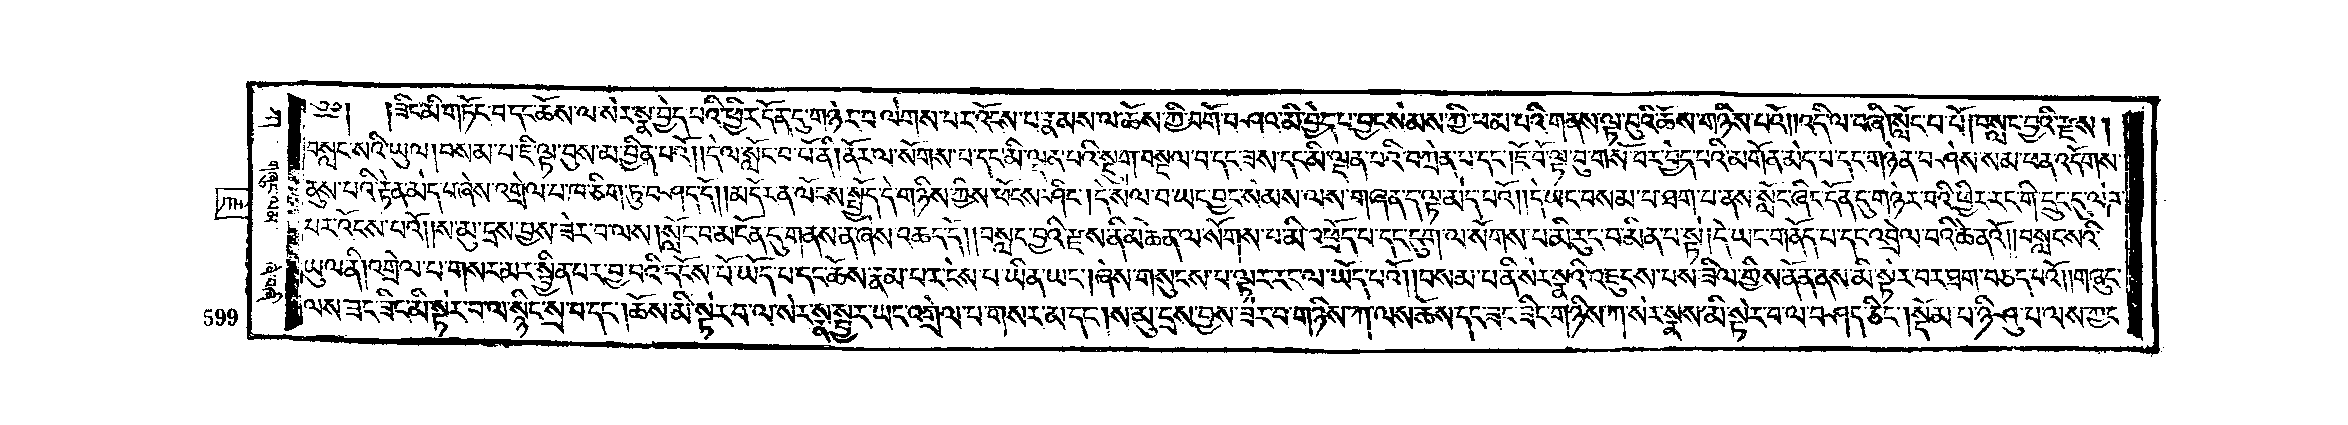༄༅། །ཟིང་མི་གཏོང་བ་དང་ཆོས་ལ་སེར་སྣ་བྱེད་པའི་ཕྱིར་དོན་དུ་གཉེར་བ་ལེགས་པར་འོངས་པ་རྣམས་ལ་ཆོས་ཀྱི་བགོ་བཤའ་མི་བྱེད་པ་བྱང་སེམས་ཀྱི་ཕམ་པའི་གནས་ལྟ་བུའི་ཆོས་གཉིས་པའོ། །འདི་ལ་བཞི། སློང་པ་པོ། བསླང་བྱའི་རྫས།
བསླང་སའི་ཡུལ། བསམ་པ་ཇི་ལྟ་བུས་མ་བྱིན་པའོ། །དེ་ལ་སློང་བ་པོ་ནི། ནོར་ལ་སོགས་པ་དང་མི་ལྡན་པའི་སྡུག་བསྔལ་བ་དང་ཟས་དང་མི་ལྡན་པའི་བཀྲེན་པ་དང་། ཇོ་བོ་ལྟ་བུ་གསོ་བར་བྱེད་པའི་མགོན་མེད་པ་དང་གཉེན་བཤེས་སམ་ཕན་འདོགས་
ནུས་པའི་རྟེན་མེད་པ་ཞེས་འགྲེལ་པ་ཁ་ཅིག་ཏུ་བཤད་དོ། །མདོར་ན་ལོངས་སྤྱོད་དེ་གཉིས་ཀྱིས་ཕོངས་ཤིང་། དེ་སེལ་བ་ཡང་བྱང་སེམས་ལས་གཞན་ད་ལྟ་མེད་པའོ། །དེ་ཡང་བསམ་པ་ཐག་པ་ནས་སློང་ཞིང་དོན་དུ་གཉེར་བའི་ཕྱིར་རང་གི་དྲུང་དུ་ལེགས་
པར་འོངས་པའོ། །ས་མུ་དྲས་བྱས་ཟེར་བ་ལས། སློང་བ་མངོན་དུ་གནས་ན་ཞེས་འཆད་དོ། །བསླང་བྱའི་རྫས་ནི་མཆེན་ལ་སོགས་པ་མི་འཕྲོད་པ་དང་དུག་ལ་སོགས་པ་མི་རུང་བ་མིན་པ་སྟེ། དེ་ཡང་གནོད་པ་དང་འབྲེལ་བའི་ཆེ་ནའོ། །བསླང་སའི་
ཡུལ་ནི། འགྲེལ་པ་གསར་མར་སྦྱིན་པར་བྱ་བའི་དངོས་པོ་ཡོད་པ་དང་ཆོས་རྣམ་པར་ངེས་པ་ཡིན་ཡང་། ཞེས་གསུངས་པ་ལྟར་རང་ལ་ཡོད་པའོ། །བསམ་པ་ནི་སེར་སྣའི་འཇུངས་པས་ཟིལ་གྱིས་ནོན་ནས་མི་སྟེར་བར་ཐག་བཅད་པའོ། །གཞུང་
ལས་ཟང་ཟིང་མི་སྟེར་བ་ལ་སྙིང་སྲ་བ་དང་། ཆོས་མི་སྟེར་བ་ལ་སེར་སྣ་སྦྱར་ཡང་འགྲེལ་པ་གསར་མ་དང་། ས་མུ་དྲས་བྱས་ཟེར་བ་གཉིས་ཀ་ལས་ཆོས་དང་ཟང་ཟིང་གཉིས་ཀ་སེར་སྣས་མི་སྟེར་བ་ལ་བཤད་ཅིང་། སྡོམ་པ་ཉི་ཤུ་པ་ལས་ཀྱང་